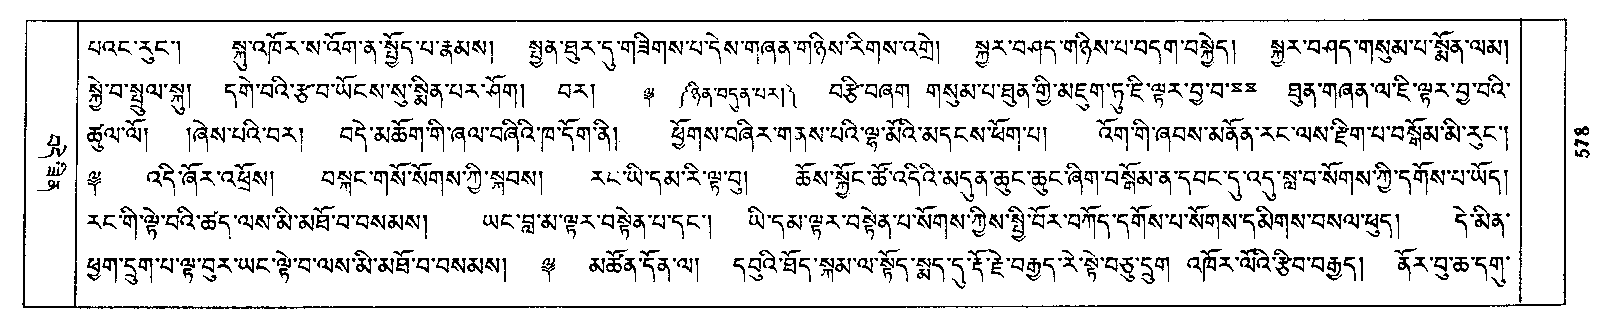པའང་རུང་། སྐུ་འཁོར་ས་འོག་ན་སྤྱོད་པ་རྣམས། སྤྱན་ཐུར་དུ་གཟིགས་པ་དེས་གཞན་གཉིས་རིགས་འགྲེ། སྐྱར་བཤད་གཉིས་པ་བདག་བསྐྱེད། སྐྱར་བཤད་གསུམ་པ་སྨོན་ལམ།
སྐྱེ་བ་སྤྲུལ་སྐུ། དགེ་བའི་རྩ་བ་ཡོངས་སུ་སྨིན་པར་ཤོག། བར། ༈ ?ཉིན་བདུན་པར། བརྩི་བཞག་གསུམ་པ་ཐུན་གྱི་མཇུག་ཏུ་ཇི་ལྟར་བྱ་བ་྾་྾་ཐུན་གཞན་ལ་ཇི་ལྟར་བྱ་བའི་
ཚུལ་ལོ། །ཞེས་པའི་བར། བདེ་མཆོག་གི་ཞལ་བཞིའི་ཁ་དོག་ནི། ཕྱོགས་བཞིར་གནས་པའི་ལྷ་མོའི་མདངས་ཕོག་པ། འོག་གི་ཞབས་མནོན་རང་ལས་རྫིག་པ་བསྒོམ་མི་རུང་།
༈ འདི་ཞོར་འཕྲོས། བསྐང་གསོ་སོགས་ཀྱི་སྐབས། རང་ཡི་དམ་རི་ལྟ་བུ། ཆོས་སྐྱོང་ཚོ་འདིའི་མདུན་ཆུང་ཆུང་ཞིག་བསྒོམ་ན་དབང་དུ་འདུ་སླ་བ་སོགས་ཀྱི་དགོས་པ་ཡོད།
རང་གི་ལྟེ་བའི་ཚད་ལས་མི་མཐོ་བ་བསམས། ཡང་བླ་མ་ལྟར་བསྟེན་པ་དང་། ཡི་དམ་ལྟར་བསྟེན་པ་སོགས་ཀྱིས་སྤྱི་བོར་བཀོད་དགོས་པ་སོགས་དམིགས་བསལ་ཕུད། དེ་མིན་
ཕྱག་དྲུག་པ་ལྟ་བུར་ཡང་ལྟེ་བ་ལས་མི་མཐོ་བ་བསམས། ༈ མཚོན་དོན་ལ། དབུའི་ཐོད་སྐམ་ལ་སྟོད་སྨད་དུ་རྡོ་རྗེ་བརྒྱད་རེ་སྟེ་བཅུ་དྲུག་འཁོར་ལོའི་རྩིབ་བརྒྱད། ནོར་བུ་ཆ་དགུ་